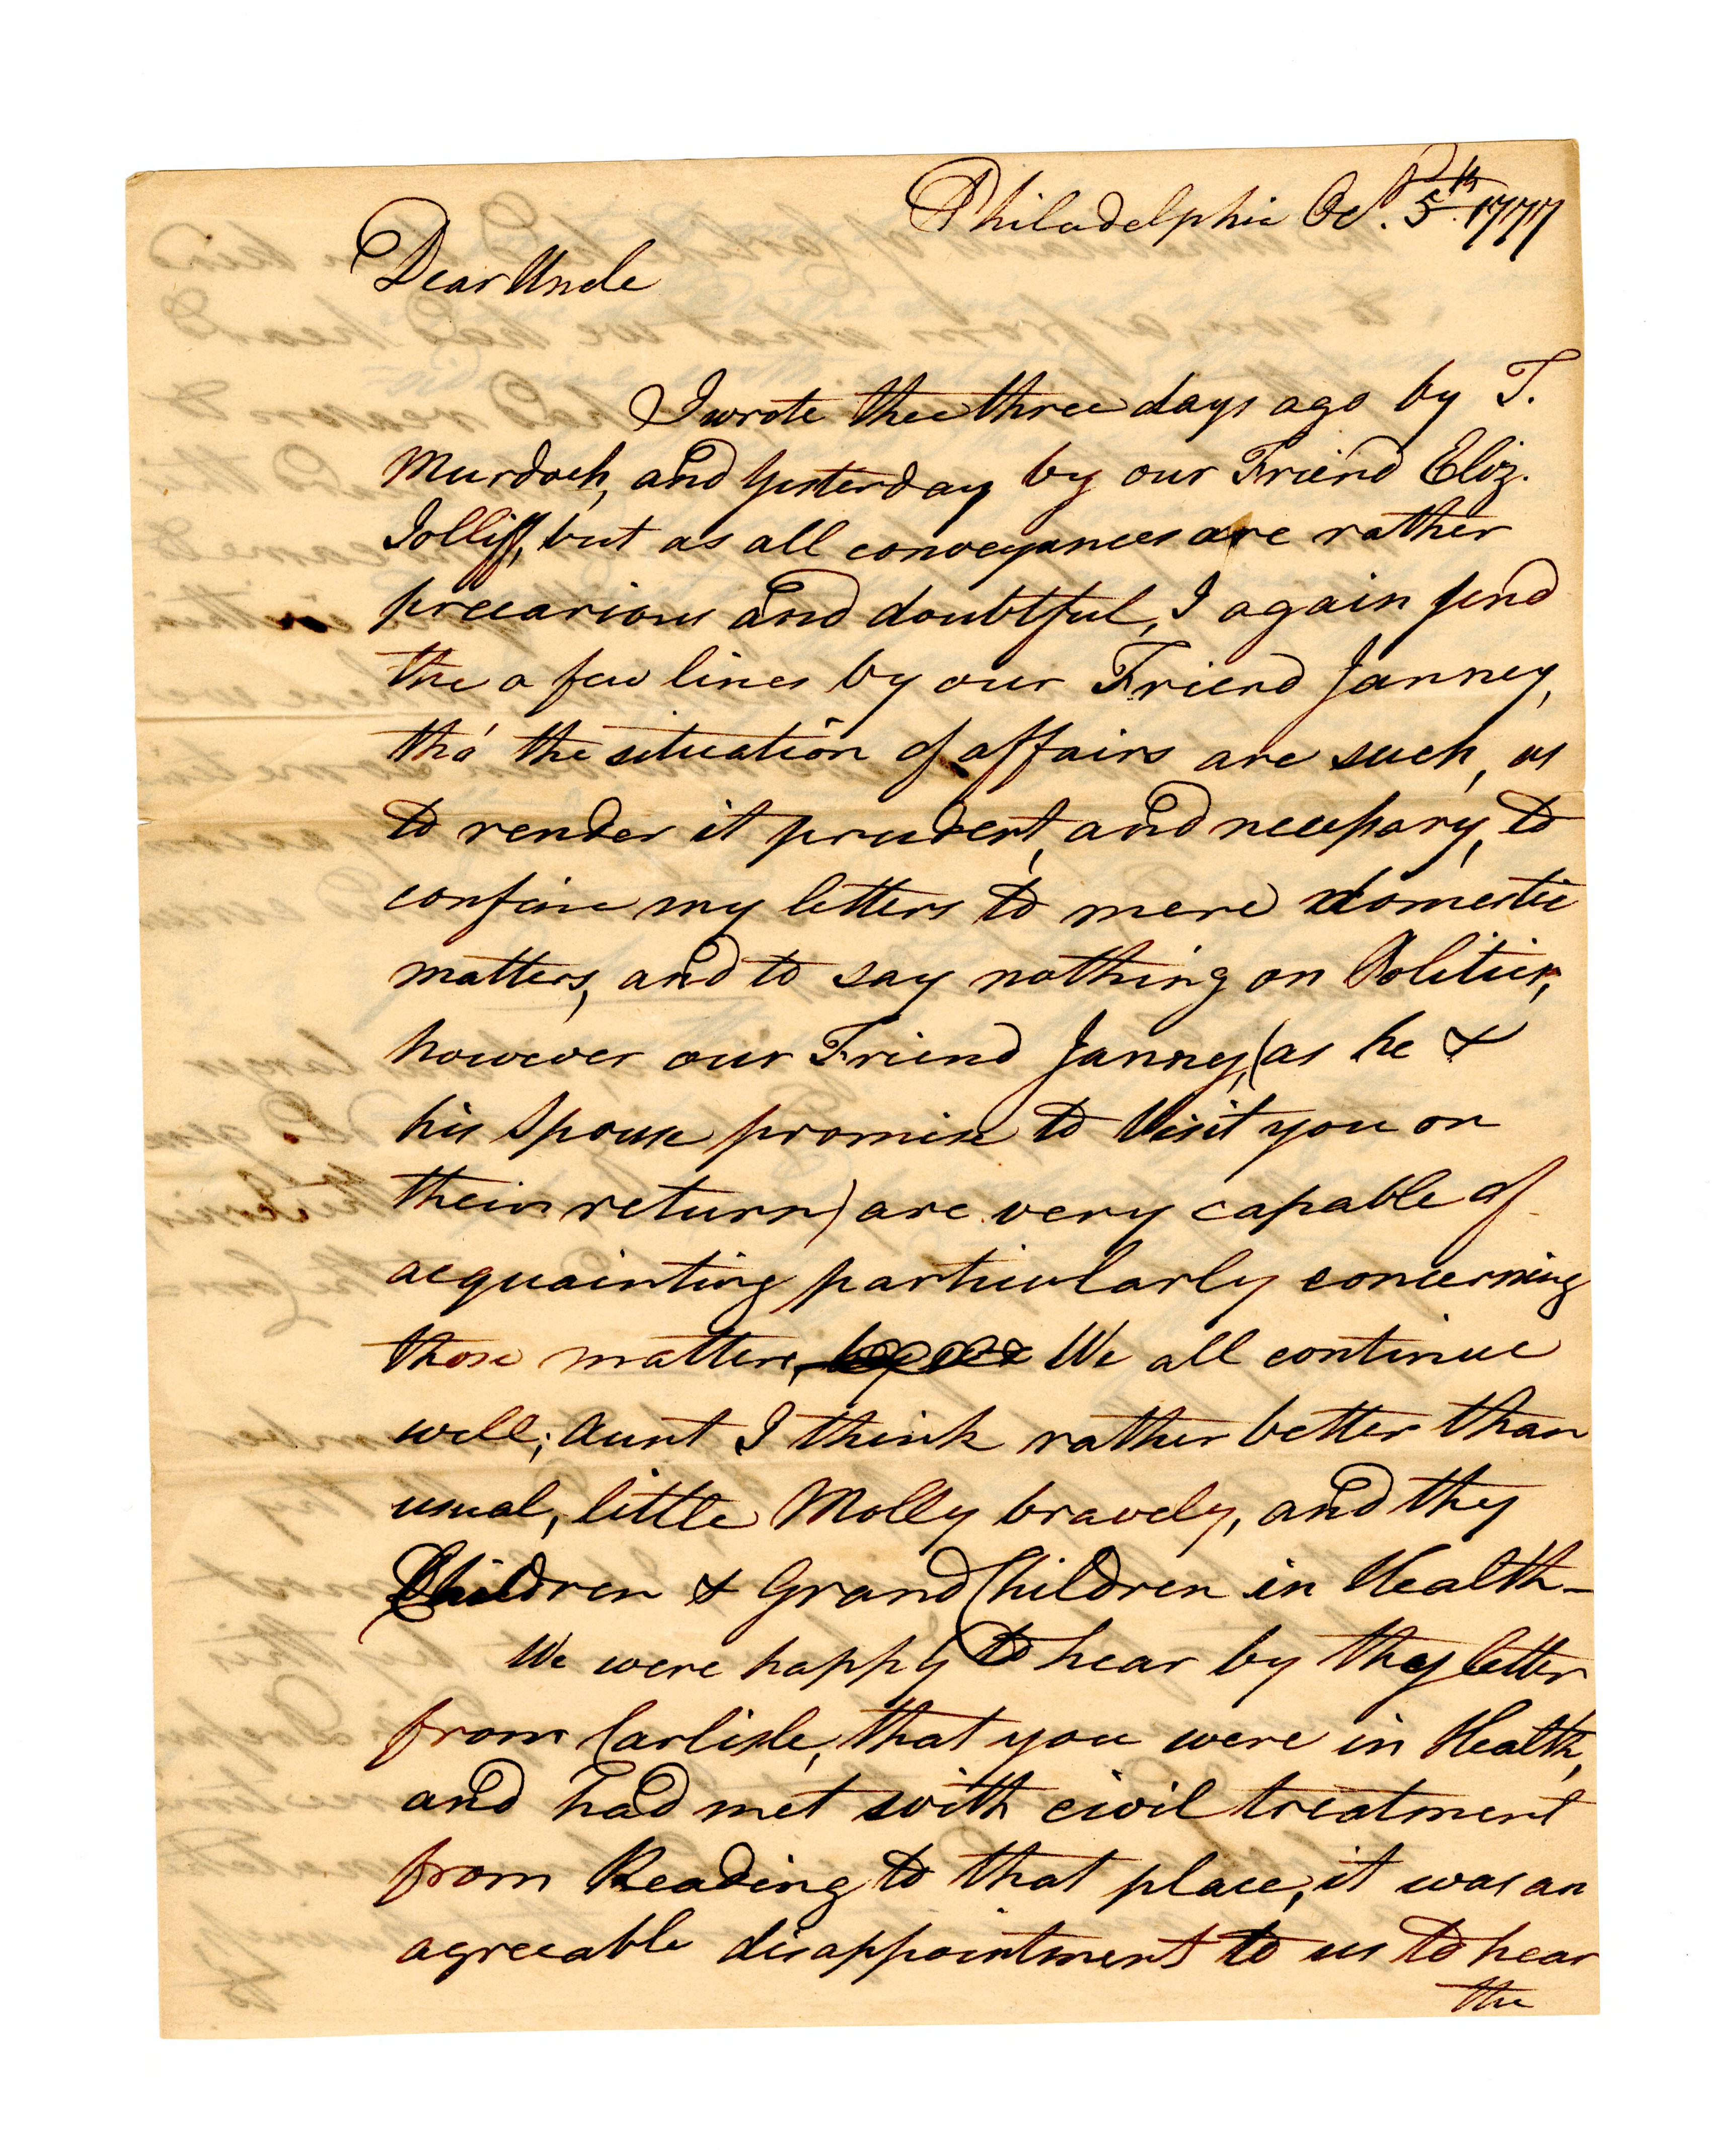Philadelphia Oc^t. 5^th 1777
Dear Uncle
I wrote thee three days ago by T.
Murdoch, and yesterday our Friend Eliz.
Jolliff, but as all consequences are rather
precarious and doubtful, I again send
the a few lines by our Friend Janney
tho' the situation of affairs are such, as
to render it prudent, and necessary, to
confine my letters to mere domestic
matters, and to say nothing on Politics,
however our Friend Janney, (as he &
his Spouse promise to Visit you on
their return) are very capable of
acquainting particularly concerning
those matters We all continue
well; Aunt I think rather better than
usual, little Molly bravely, and thy
Children & Grand Children in Health-
We were happy to hear by thy letter
from Carlisle, that you were in Health,
and had met with civil treatment
from Reading to that place, it was an
agreeable disappointment to us to hear
the